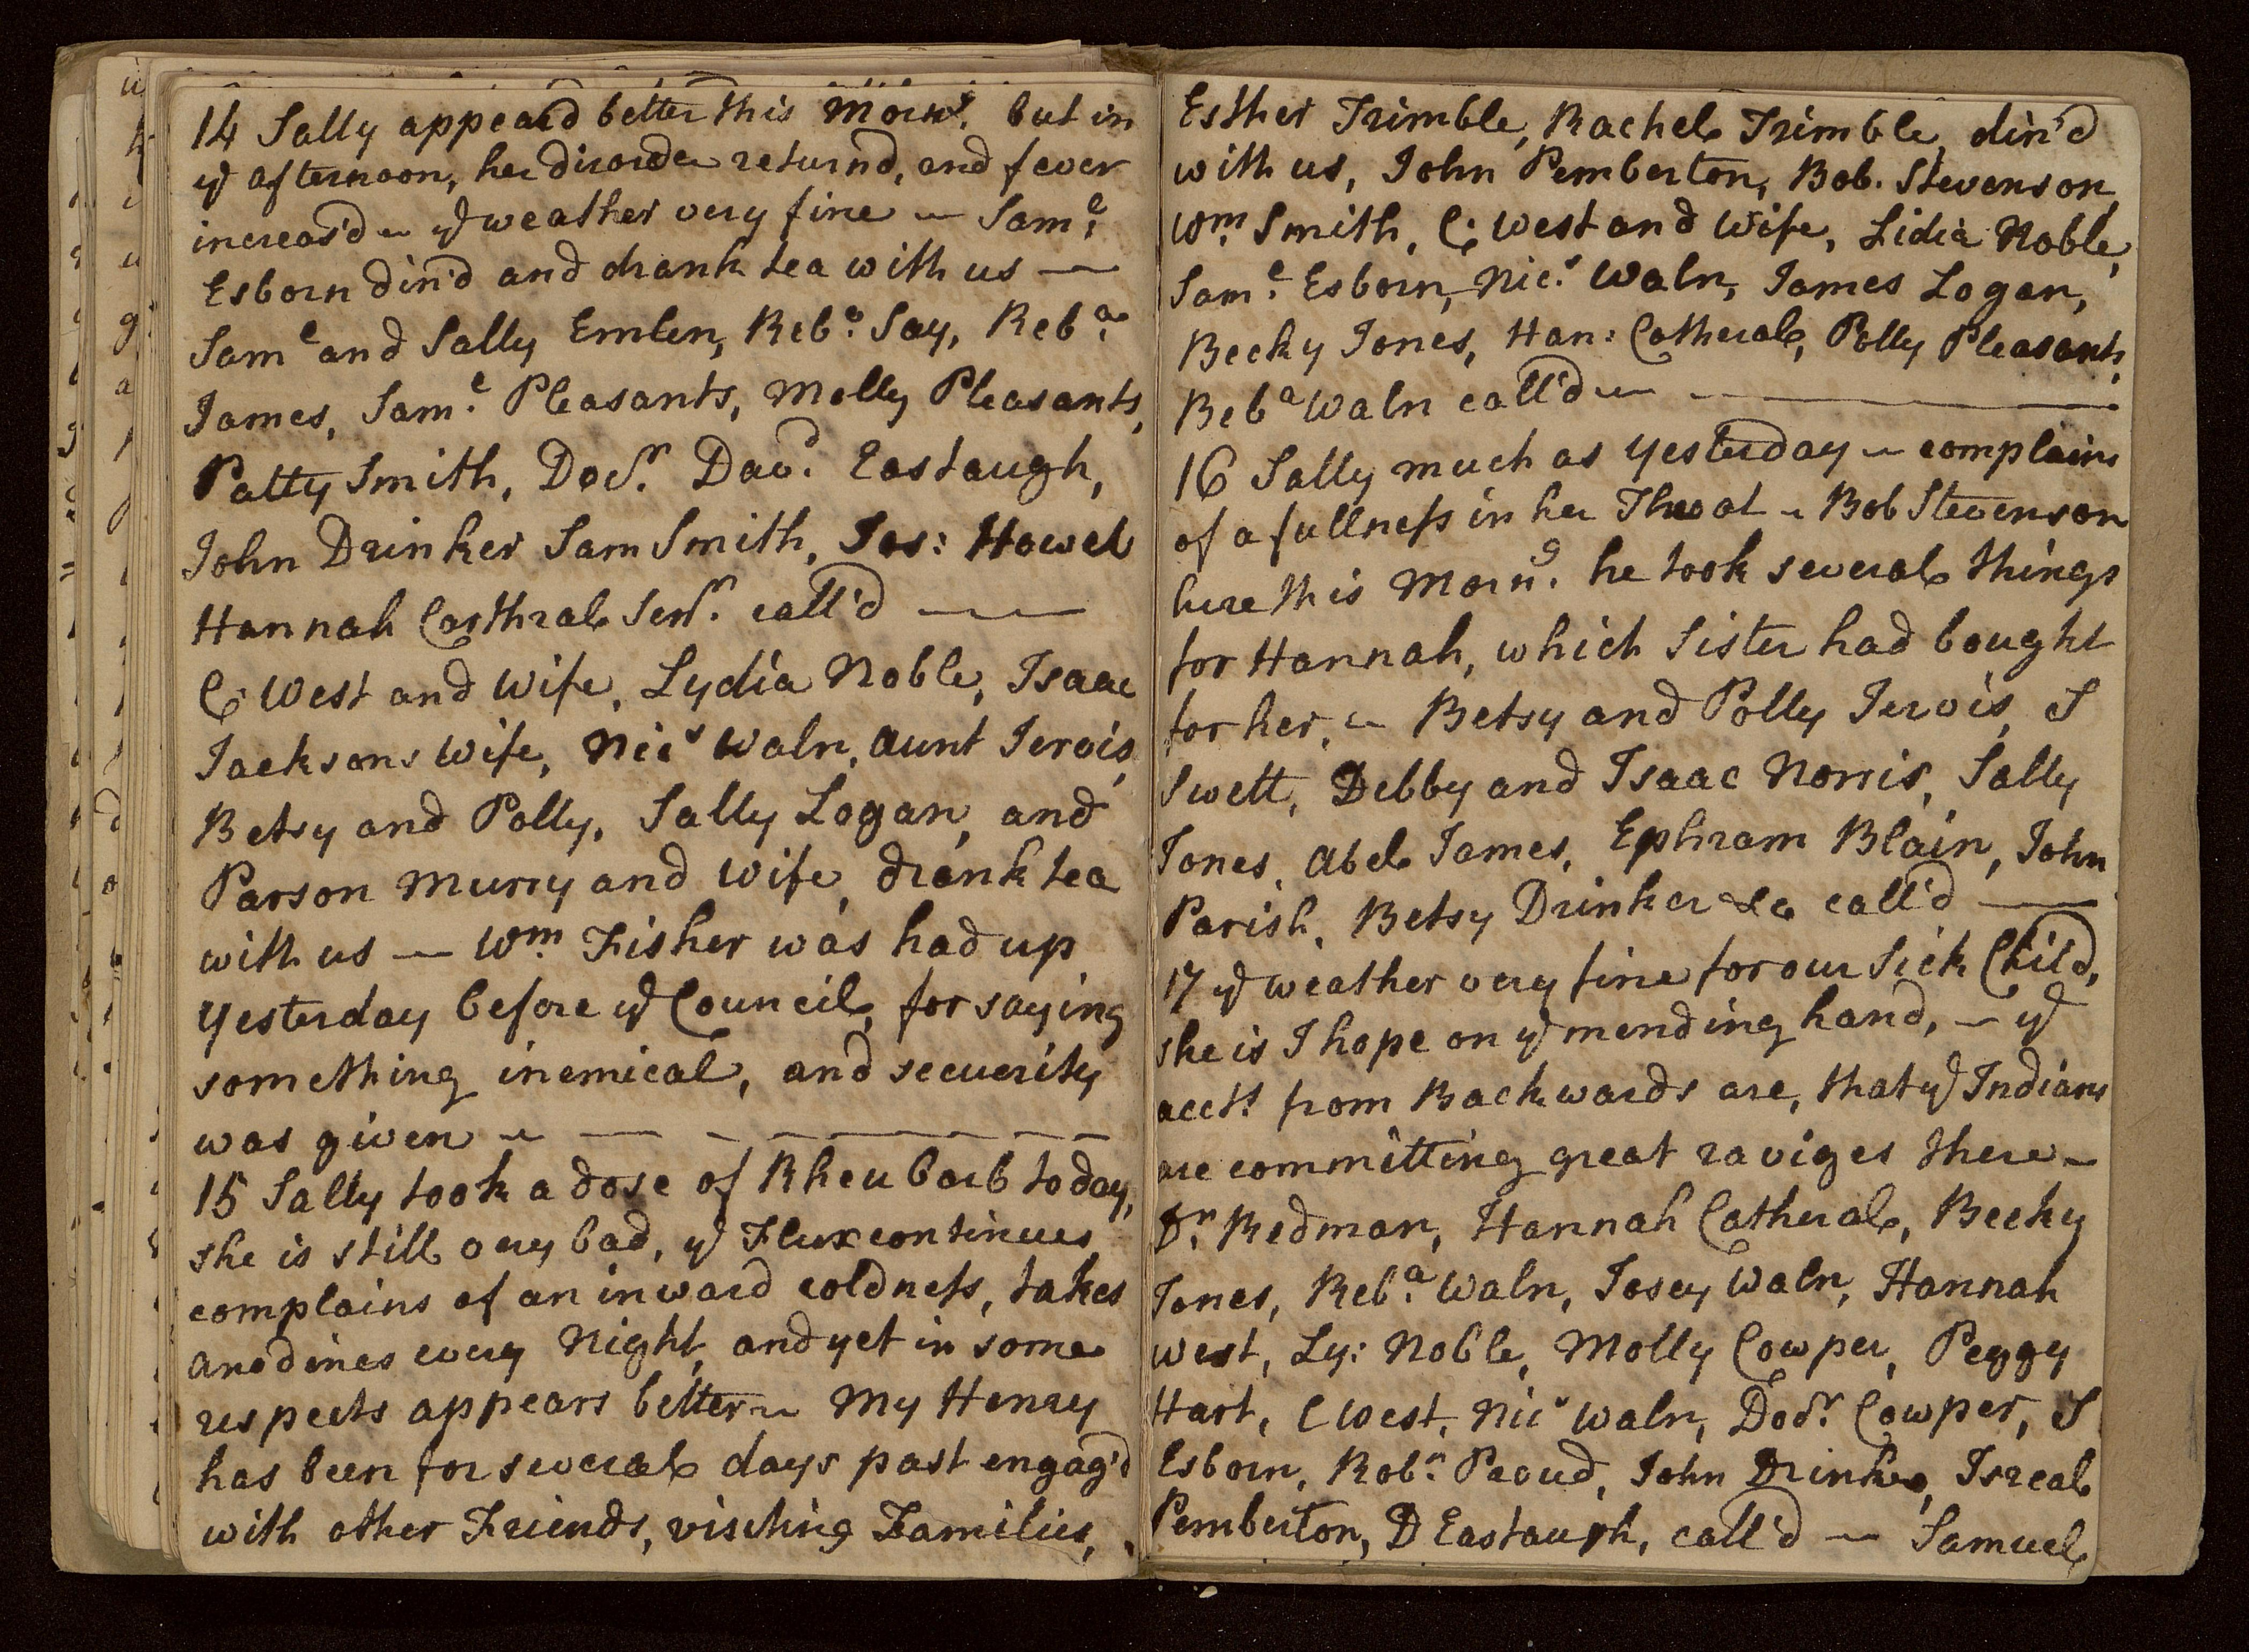14 Sally appeard better this morn.^g but in
y^e afternoon, her dirorder returnd, and fever
increas'd- y^e weather very fine- Sam.^l
Esborn din'd and drank tea with us-
Sam^l and Sally Emlen, Reb.^e Say, Reb^a.
James, Sam^l. Pleasants, Molly Pleasants,
Patty Smith, Doc^r. Dav.^d Eastaugh,
John Drinker Sam Smith, Jos: Howel
Hannah Carthral Sen^r. call'd-
C. West and wife, Lydia Noble, Isaac
Jacksons wife, Nic.^s Waln, Aunt Jervis
Betsy and Polly, Sally Logan, and
Parson Murry and Wife, drank tea
with us- W^m. Fisher was had up,
yesterday before y^e Council, for saying
something inemical, and secuerity
was given---
15 Sally took a dose of Rheubarb to day,
she is still very bad, y^e Flux continues
complains of an inward coldness, takes
anodines every Night, and yet in some
respects appears better- My Henry
has been for several days past engag'd
with other Friends, visiting Families,
Esther Trimble, Rachel Trimble, din'd
with us, John Pemberton, Bob. Stevenson
W.^m Smith, C. West and wife, Lidia Noble,
Sam^l. Esborn, Nic.^s Waln, James Logan,
Becky Jones, Han: Catheral, Polly Pleasant
Reb^a Waln call'd-
16 Sally much as yesterday- complains
of a fullness in her Throat- Bob Stevenson
here this Morn.^g, he took several things
for Hannah, which sister had bought
for her- Betsy and Polly Jervis S
Swett, Debby and Isaac Norris, Sally
Jones, Abel James, Ephram Blain, John
Parish, Betsy Drinker &c call'd-
17 y^e weather very fine for our Sick Child,
she is I hope on y^e mending hand.- y^e
acct.^s from Backwards are, that y^e Indians
are committing great raviges there-
D^r. Redman, Hannah Catheral, Becky
Jones, Reb.^a Waln, Josey Waln, Hannah
West, Ly: Noble, Molly Cowper, Peggy
Hart, cloest, Nic^s Waln, Doc^r. Cowper, J
Esborn, Rob^r. Proud, John Drinker, Isreal
Pemberton, D Eastaugh, call'd- Samuel